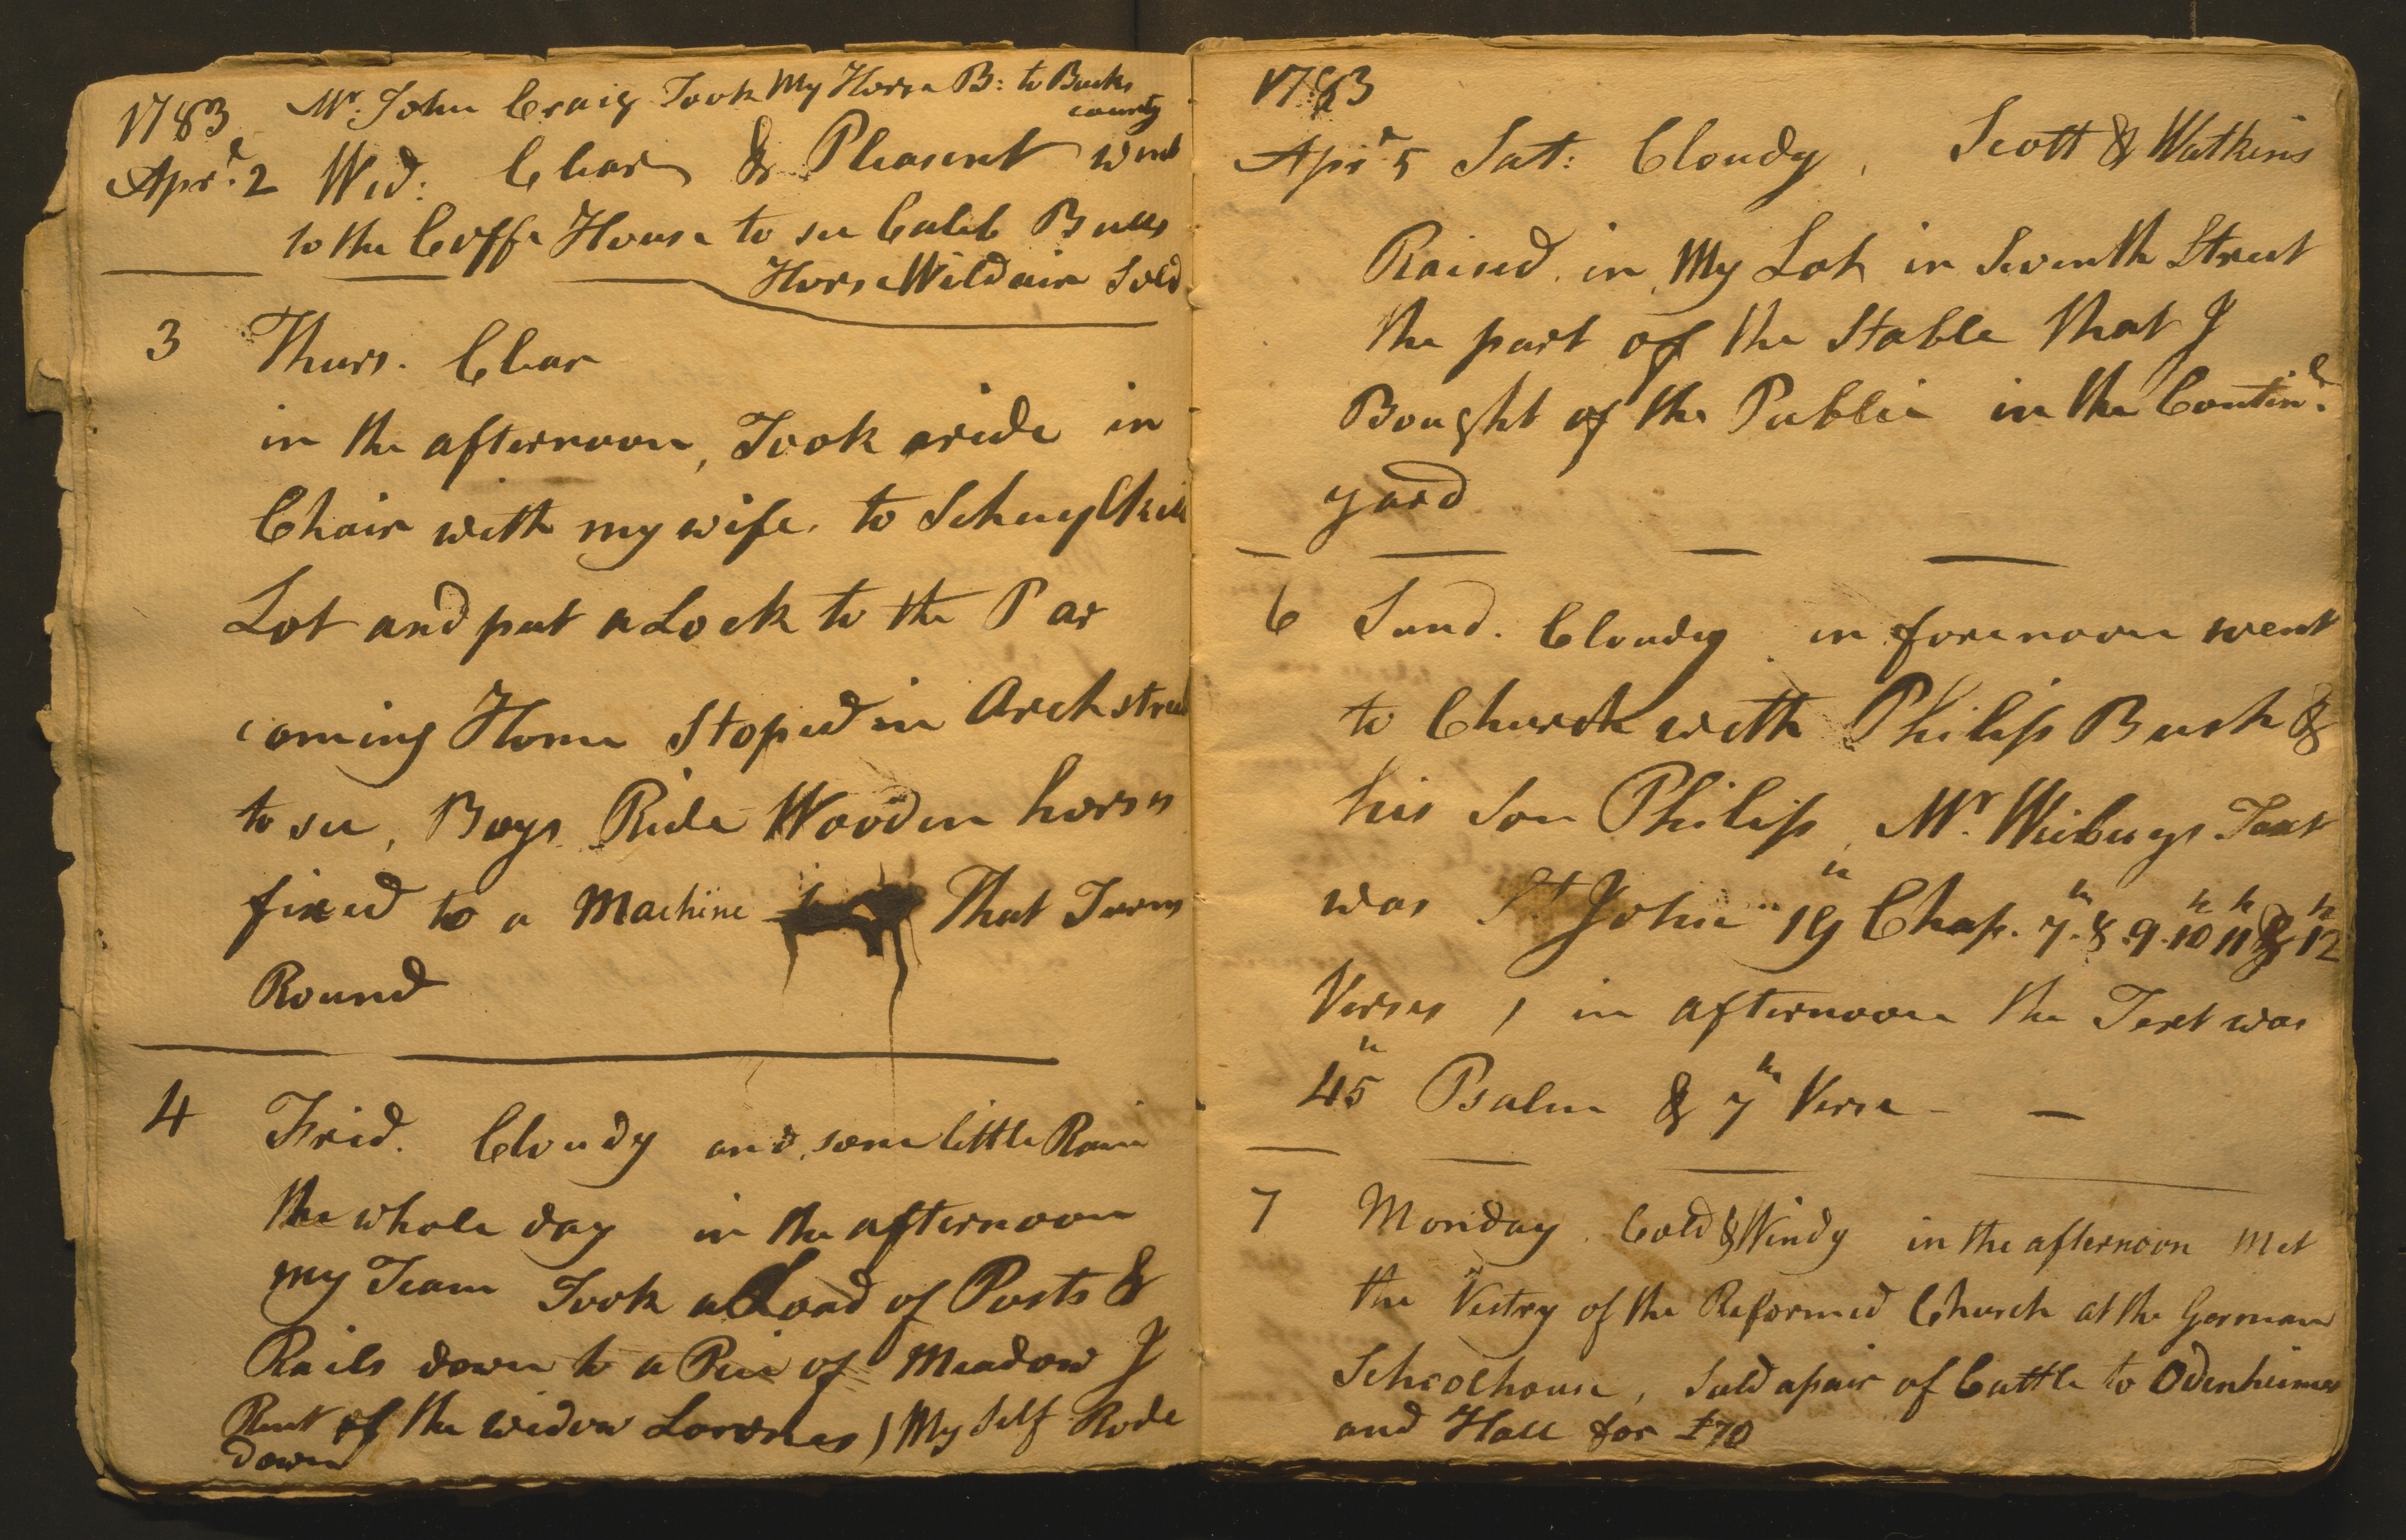1783
M^r. John Craig Took My Horse B. to Bucks
county
Apr^l. 2 Wed: Clear & Pleasent went
to the Coffe House to see Caleb Bulls
Horse Wildam Sold
3 Thurs. Clear
in the afternoon Took a ride in
Chair with my wife, to Schuylkil
Lot and put a Lock to the Par
coming Home Stoped on Arch street
to see. Bays Ride Wooden horses
fixed to a Machine [___] That Turns
Round
4 Frid. Cloudy and some little Rain
the whole day in the afternoon
My Team Took a Load of Posts &
Rails down to a Pice of Meadow I
Rent of the widow Lowres) My self Rode
down
1783
Apr^l. 5 Sat. Cloudy, Scott & Watkins
Raised. in My Lot in Seventh Street
the part of the Stable that I
Bought of the Public in the Contin^l.
yard
6 Sund. Cloudy in forenoon went
to Church with Philip Bush &
his Son Philip M^r. Weibesgs Text
was S^t. John 19^th Chap. 7^th. 8. 9. 10^th 11^th & 12^th
Verses, in afternoon the Text was
45^h Psalm & 7^h Verse
7 Monday. Cold & Windy in the afternoon Met
the Vestry of the Reformed Church at the German
Schoolhouse, sold a pair of Cattle to Odenheimer
and Hall for £70